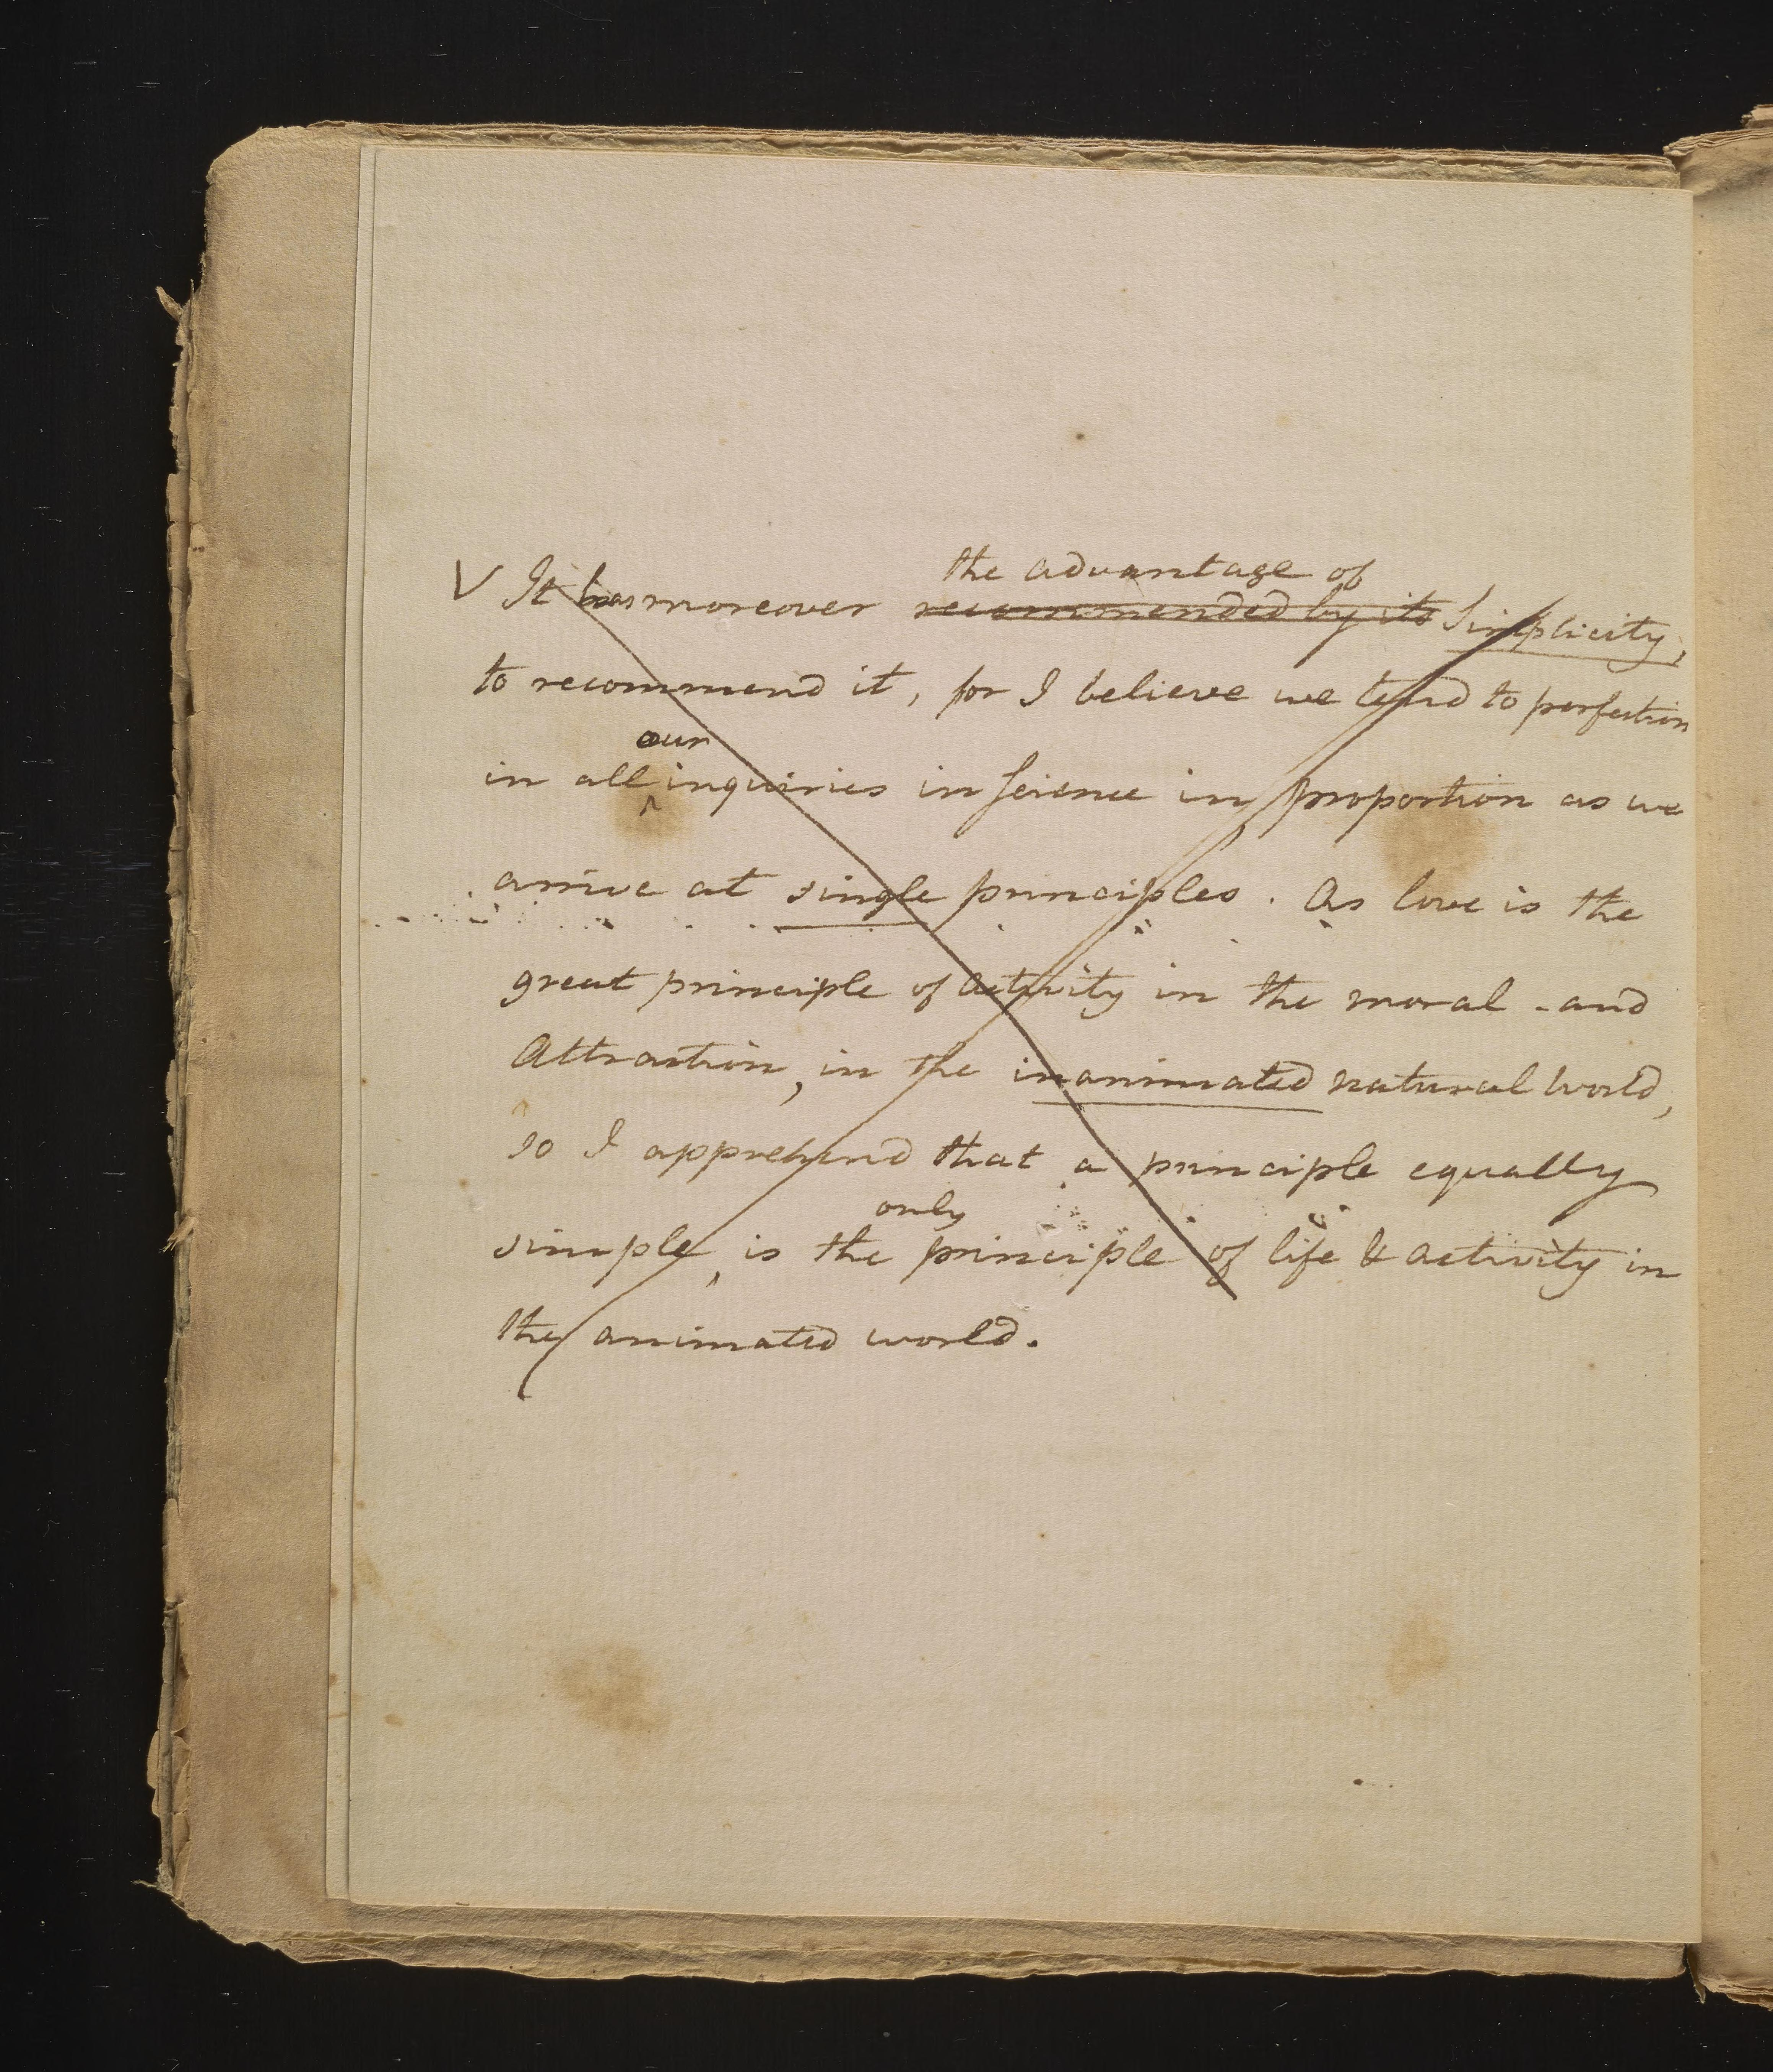the advantage of
V It has moreover [recommended by its] Simplicity,
to recommnd it, for I believe we tend to perfection
our
in all ^ inquiries in Science in proportion as we
arrive at single principles as love is the
the great principle of activity in the moral and
attraction in the inanimated natural world
so I apprehend that a principle equally
only
simple is the ^ principle of life & activity in
the animated world.